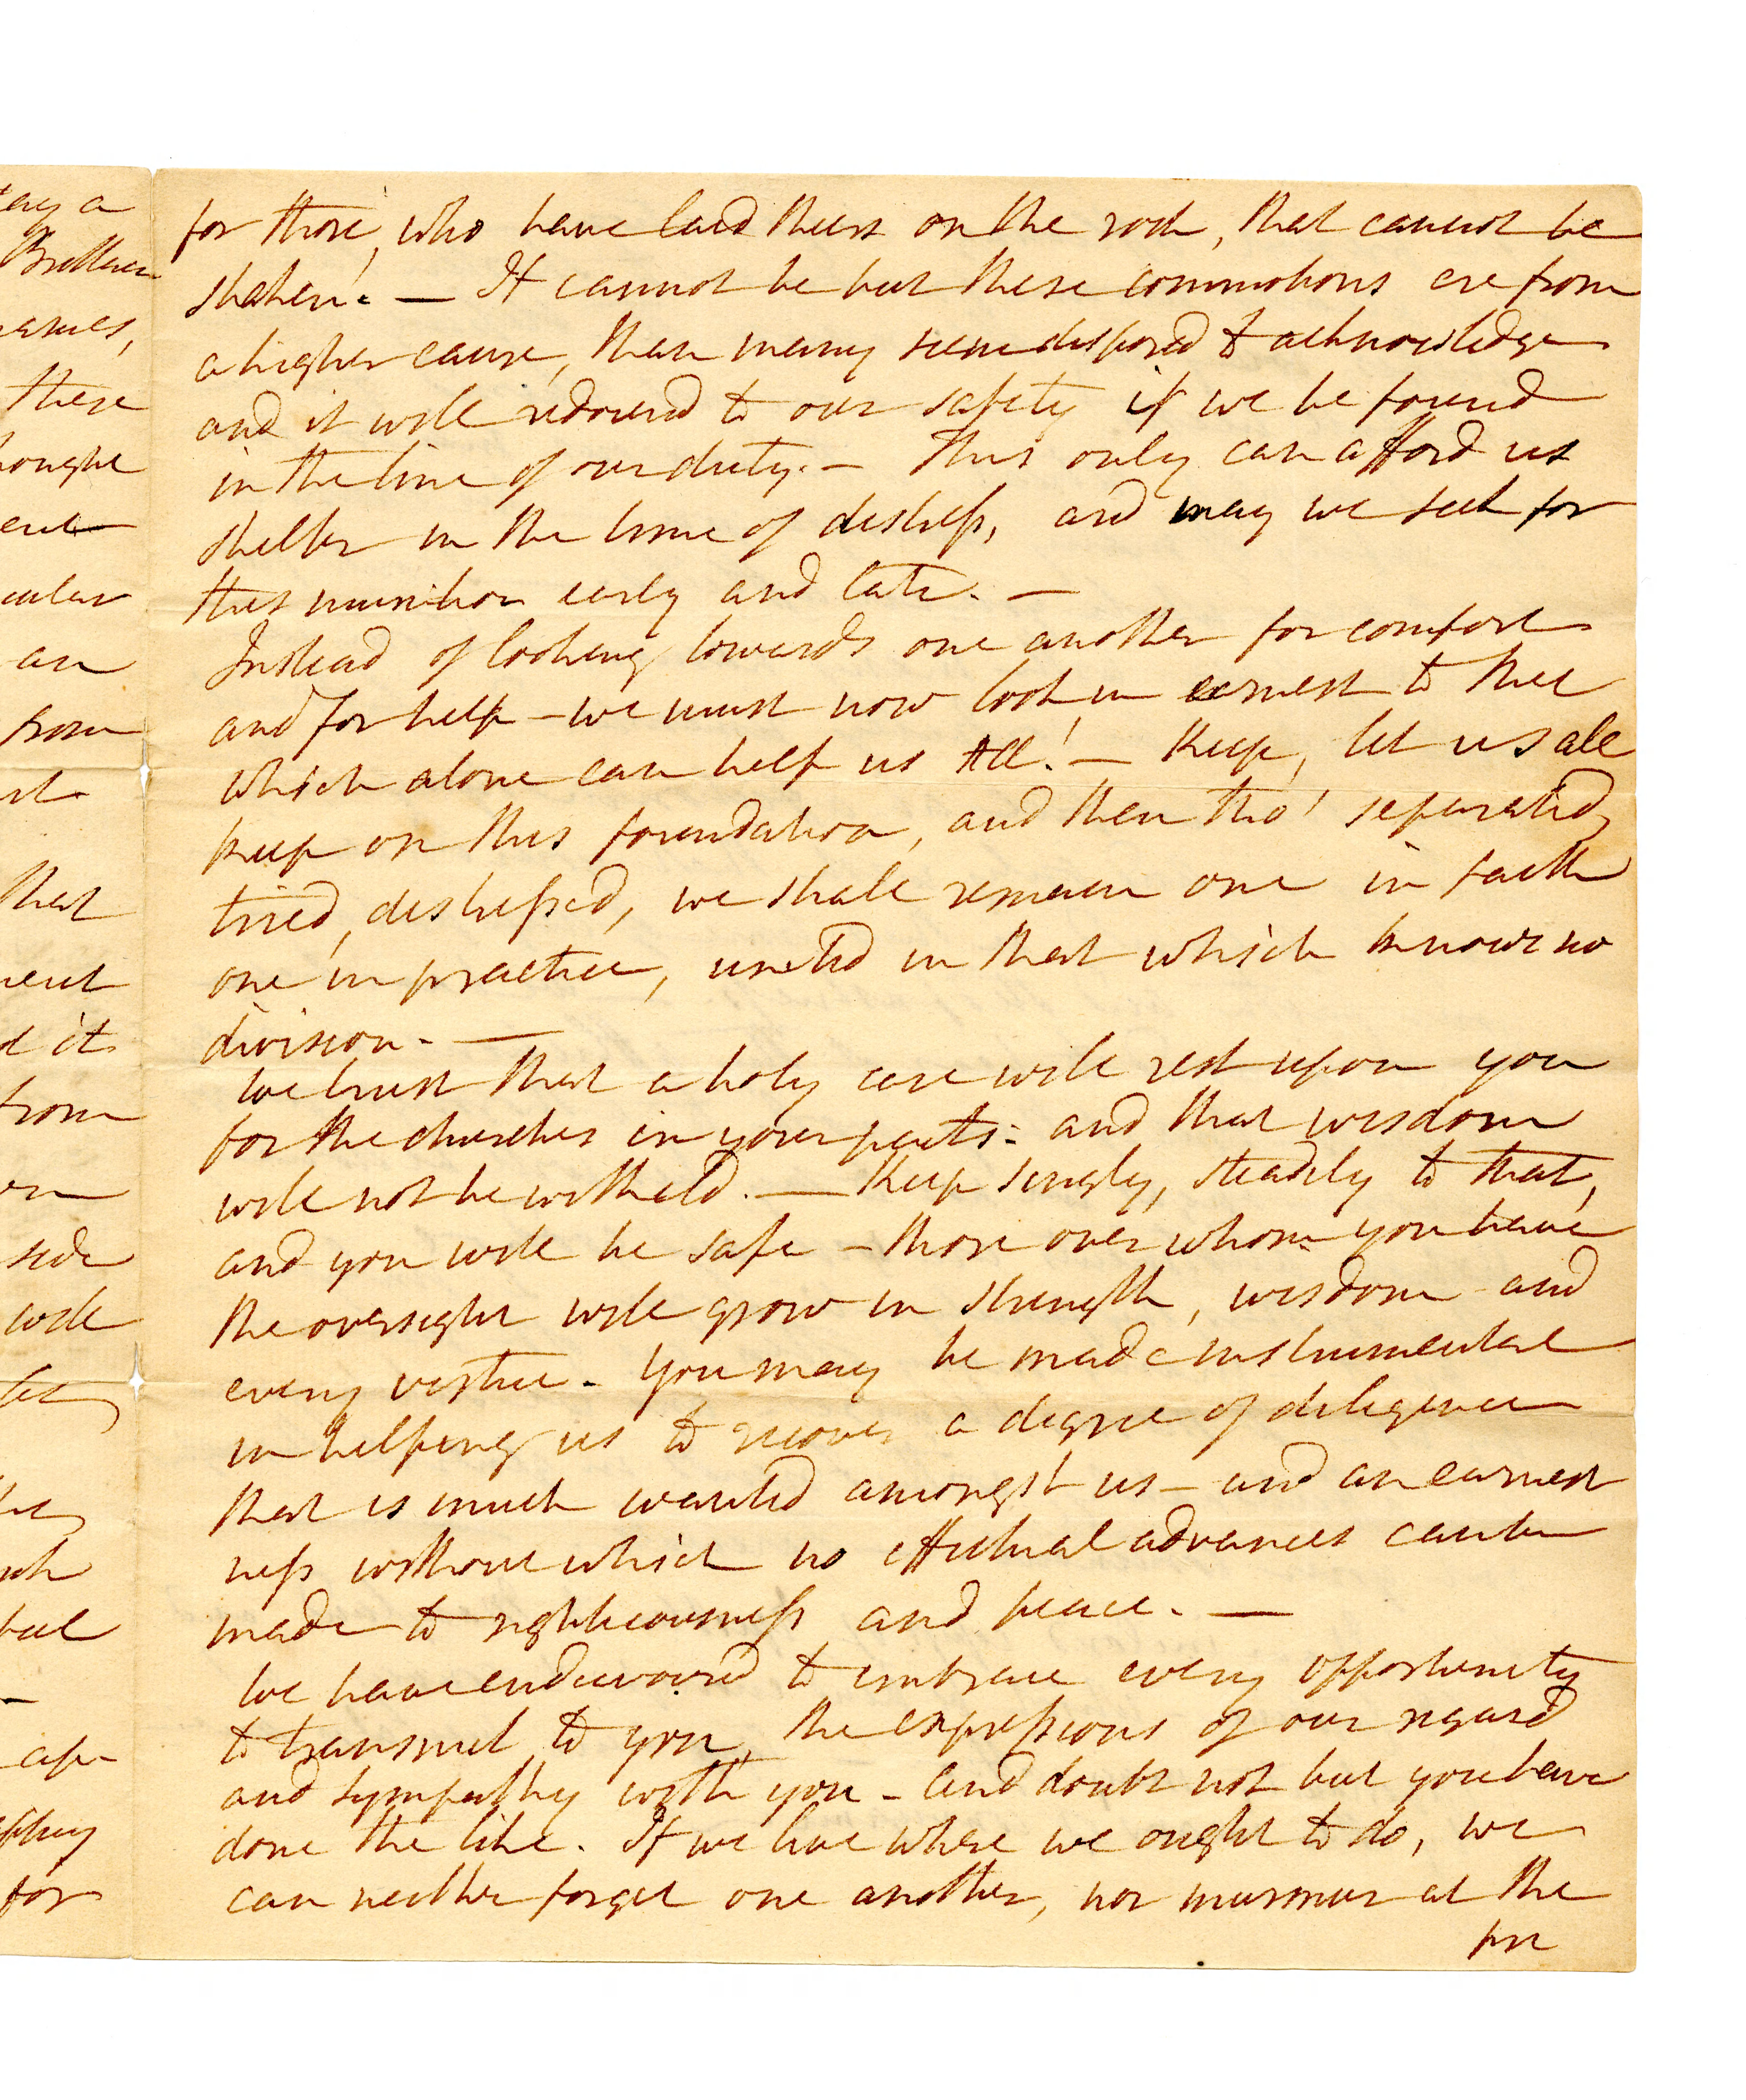for those who have laid theirs on the rout, that cannot be
shaken!- It cannot be but these commotions are from
a higher cause, than many seem disposed to acknowledge
and it will redound to our safety if we be found
in the time of our duty.- This only can afford us
shelter in the time of distress, and we may feel for
this number early and late.-
Instead of looking towards one another for comfort
and for help- we must now look in earnest to him
which alone can help us All!- Keep, let us all
keep on this foundation, and then tho' separated,
tired, distressed, we shall remain one in faith
one in practice, united in that which knows no
division.-
We trust that a holy care will rest upon you
for the churches in your parts: and that wisdom
will not be witheld.- Keep singly, steadily to that,
and you will be safe- those over whom you have
the oversight will grow in strength, wisdom and
every virtue. You may be made instrumental
in helping us to recover a degree of diligence
that is much wanted amongst us- and an earnest
ness without which no effectual advances can be
made to righteousness and peace.-
We have endeavoured to embrace every opportunity
to transmit to you the expressions of our regard
and sympathy with you. And doubt not but you have
done the like. If we live where we ought to do, we
can neither forget one another, nor murmur at the
pr